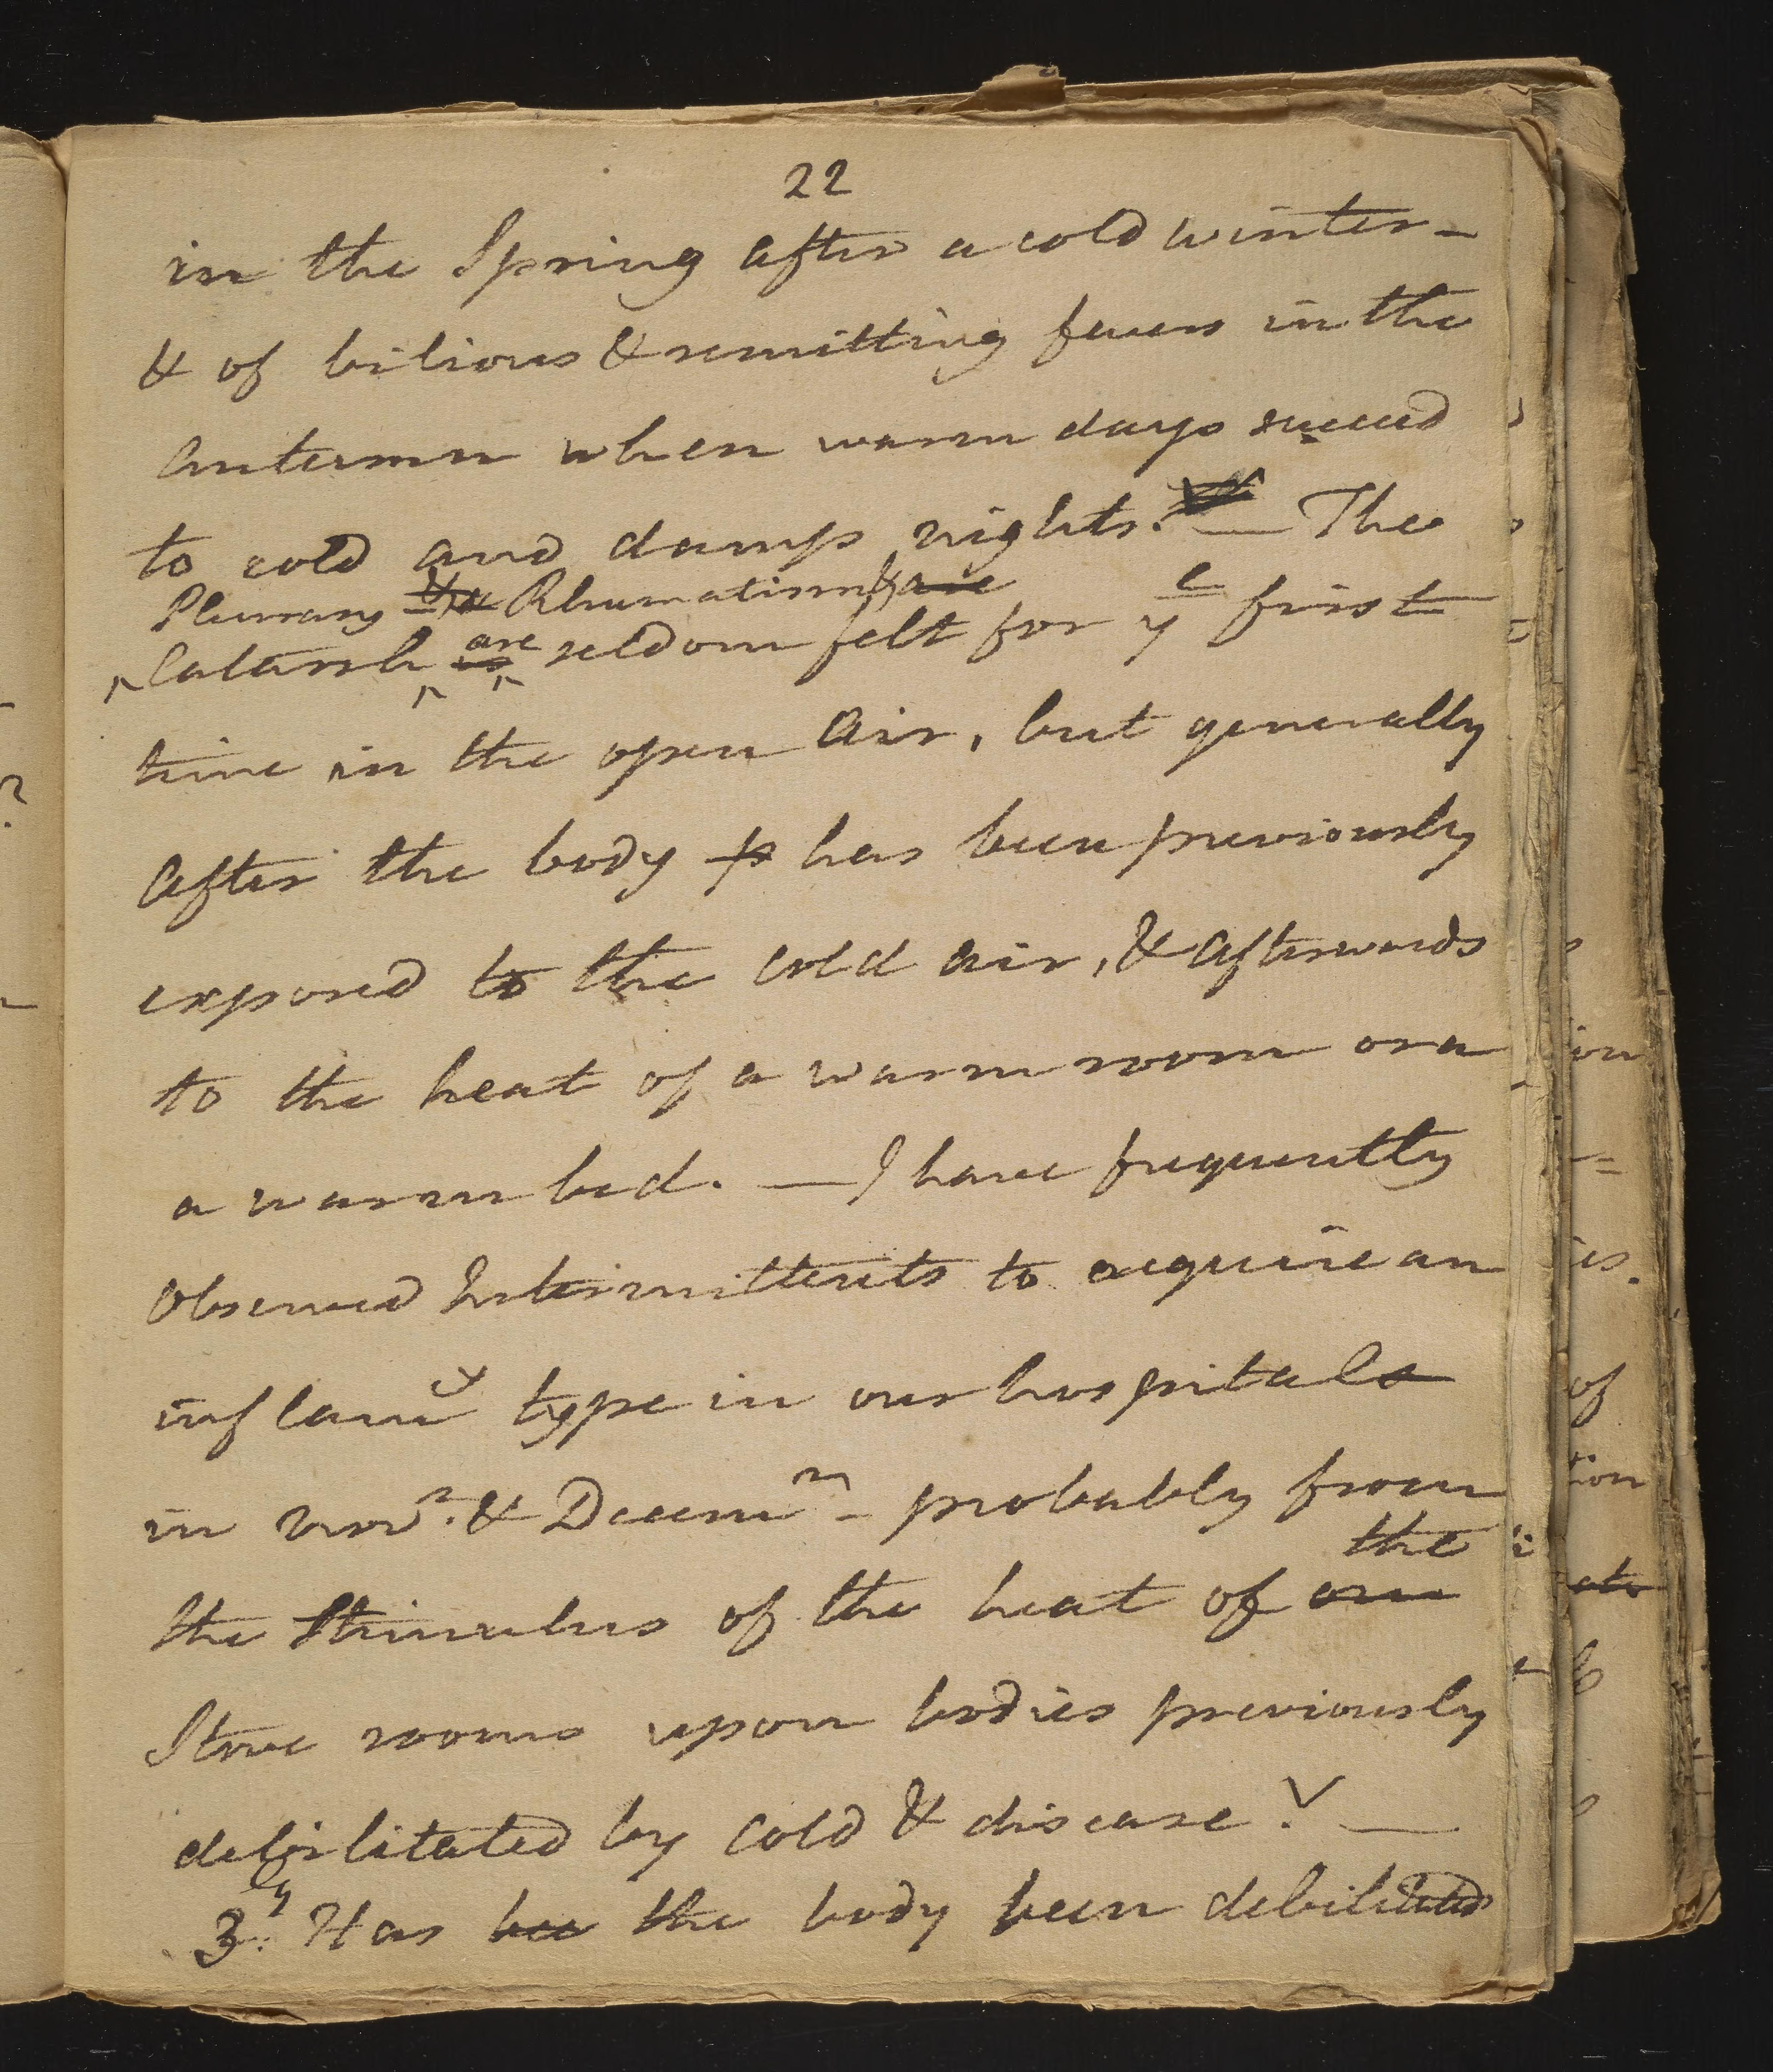22
in the Spring after a cold winter,
& of bilious & remitting fevers in the
autumn when warm days succeed
to cold and damp nights. The
pleurasy & [__] Rhumatism & [are]
^ Catarrh are seldom felt for y^e first
time in the open air, but generally
after the body as has been previously
exposed to the cold air, & afterwards
to the heat of a warm room or
a warm bed.- I have frequently
observed Intermittents to acquire an
inflam^y type in our hospitals
in Nov^r & Decem^r probably from
the
the stimulus of the heat of [an]
store rooms upon bodies previously
debilitated by cold & disease.
3^d Has [bee] the body been debilitated